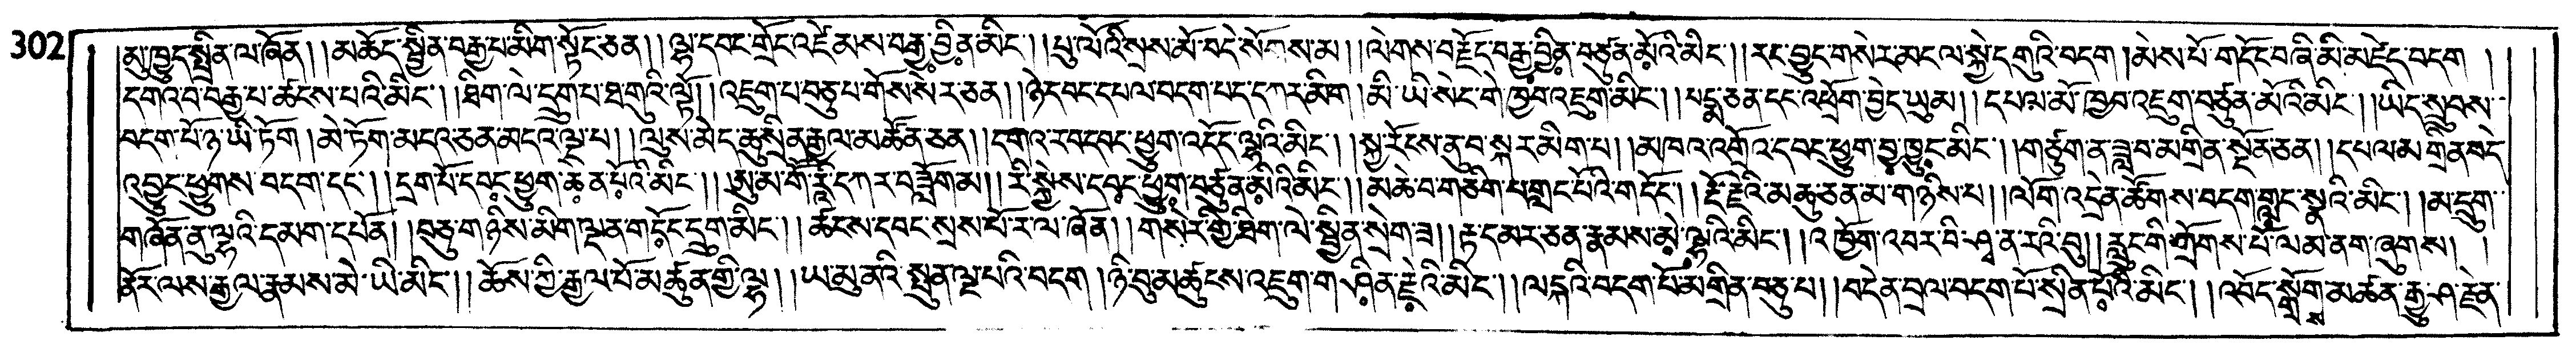མུ་ཁྱུད་སྤྲིན་ལ་ཞོན། །མཆོད་སྦྱིན་བརྒྱ་པ་མིག་སྟོང་ཅན། །ལྷ་དབང་གྲོང་འཛེམས་བརྒྱ྾་བྱིན྾་མིང་། །པུ་ལོའི་སྲས་མོ་བདེ་སོགས་མ། །ལེགས་བརྗོད་བརྒྱ྾་བྱིན྾་བཙུན་མོའི྾་མིང་། །རང་བྱུང་གསེར་མངལ་སྐྱེ་དགུའི་བདག །མེས་པོ་གདོང་བཞི་མི་མཛེད་བདག །
དགའ་བ་བརྒྱ་པ་ཚངས་པའི་མིང་། །ཐིག་ལེ་དྲུག་པ་ཐ་གུའི་ལྟོ། །འཇུག་པ་བཅུ་པ་གོས་སེར་ཅན། །ཉེ་དབང་དཔལ་བདག་པད་དཀར་མིག །མི་ཡི་སེང་གེ་ཁྱབ་འཇུག་མིང་། །པདམ་ཅན་དང་འཕྲོག་བྱེད་ཡུམ། །དཔལ་མོ་ཁྱབ་འཇུག་བཙུན་མོའི་མིང་། །ཡིད་སྲུབས་
བདག་པོ་ཉ་ཡི་ཏོག །མེ་ཏོག་མདའ་ཅན་མདའ་ལྔ་པ། །ལུས་མེད་ཆུ་སྲིན་རྒྱལ་མཚོན་ཅན། །དགའ་རབ་དབང་ཕྱུག་འདོད་ལྷའི་མིང་། །སྐྱ་རོངས་ནུ་བ་སྐར་མིག་པ། །མཁའ་འགྲོའ་དབང་ཕྱུག་བྱ྾་ཁྱུང྾་མིང་། །གཙུག་ན་ཟླ་བ་མགྲིན་སྡོན་ཅན། །དཔལ་མགྲིན་བདེ་
འབྱུང་ཕྱུགས་བདག་དང་། །དྲག་པོ་དབང྾་ཕྱུག་ཆེན྾་པོའི྾་མིང་། །ཨུ་མ་གཽ་རཱཨི་དཀར་བཟློག་མ། །རི་སྐྱེས་དབང྾་ཕྱུག྾་བཙུན་མིའི྾་མིང་། །མཆེ་བ་གཅིག་པ་གླང་པོའི་གདོང་། །རྡོ་རྗེའི་མཆུ་ཅན་མ་གཉིས་པ། །ལོག་འདྲེན་ཚོགས་བདག་གླང་སྣའི་མིང་། །མ་དྲུག་
གཞོན་ནུ་ལྷའི་དམག་དཔོན། །བཅུ་གཉིས་མིག་ལྡན་གདོང྾་དྲུག་མིང་། །ཚངས་དབང་སྲས་པོ་ར་ལ་ཞོན། །གསེར་གྱི་ཐིག་ལེ་སྦྱིན་སྲེག་ཟ། །རྟ་དམར་ཅན་རྣམས་མེ྾་ལྷའི྾་མིང་། །འཁྱོག་འབར་བི་ཤྭ་ན་རའི་བུ། །རླུང་གི་གྲོགས་པོཾ་ལམ་ནག་ཞུགས། །
ནོར་ལས་རྒྱལ་རྣམས་མེ་ཡི་མིང་། །ཆོས་ཀྱི་རྒྱལ་པོ་མཚུན་གྱི་ལྷ། །ཡ་མུ་ནའི་སྤུན་ལྔ་པའི་བདག །ཉི་བུ་མཚུངས་འཇུག་གཤིན྾་རྗེའི་མིང་། །ལྔྐའི་བདག་པོ་མགྲིན་བཅུ་པ། །བདེན་བྲལ་བདག་པོ་སྲིན་པོའི྾་མིང་། །འབོད་སྒྲོགས་མཚན་རྒྱུ་ཤ་རྗེན་